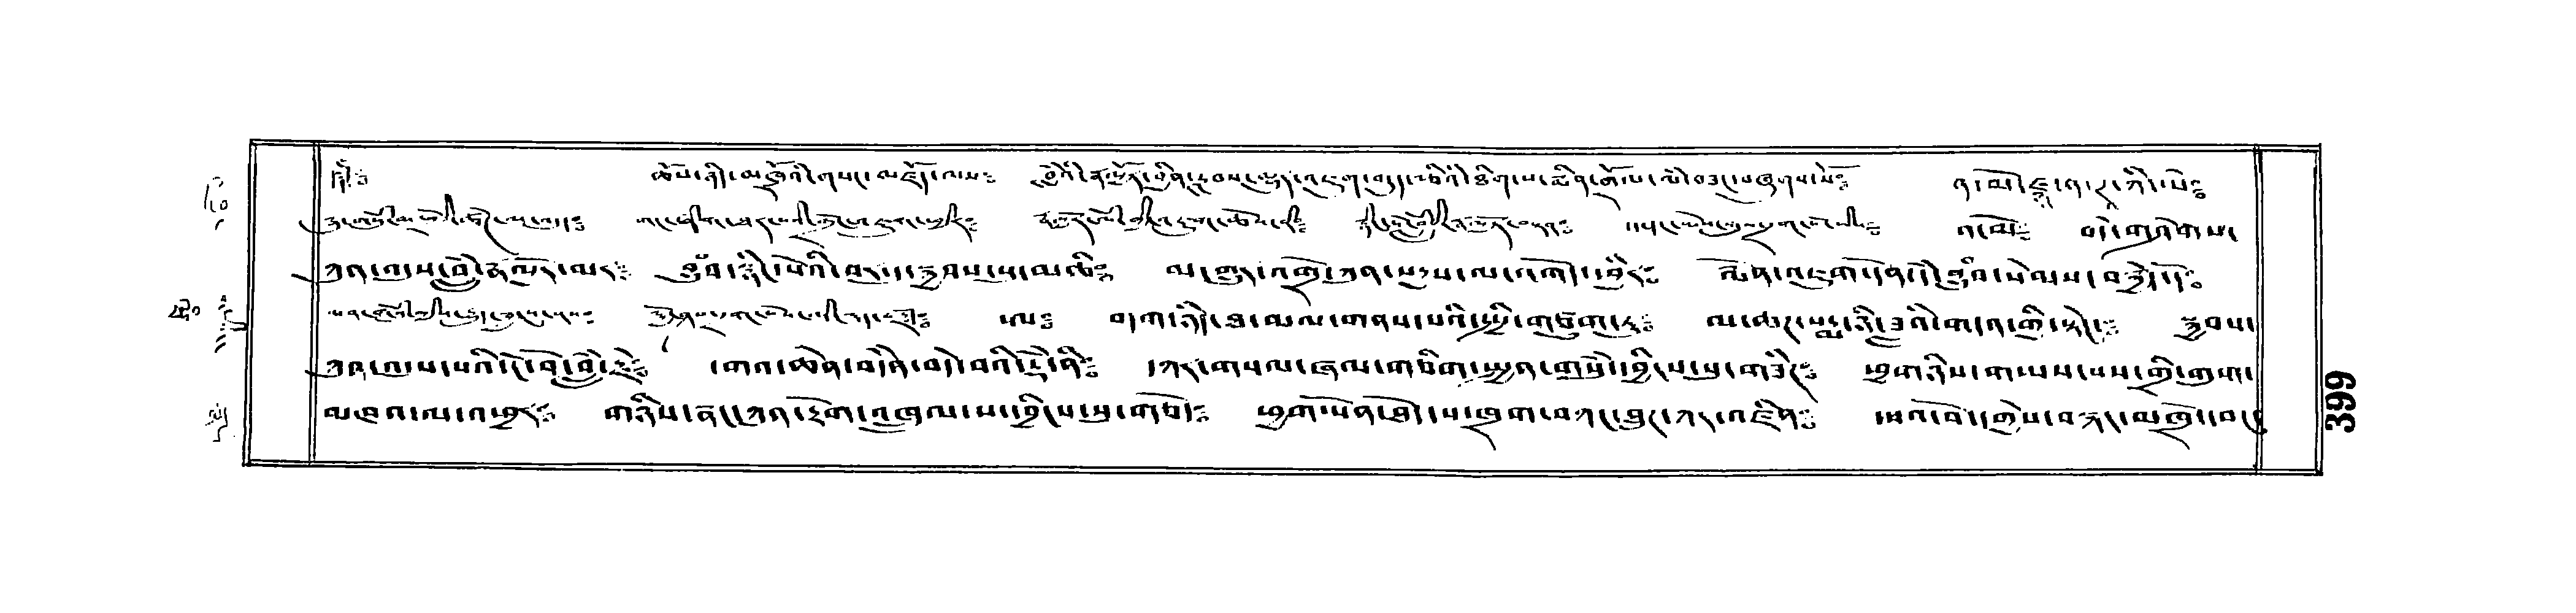ཆོས་ཉིད་མཁའ་འགྲོའི་གསང་མཛོད་ལས༔ བླ་མའི་རྣལ་འབྱོར་བྱིན་རླབས་མྱུར་འཇུག་བདུད་རྩིའི་ཐིག་པ་སྨིན་གྲོལ་ལམ་བཟང་བཞུགས་སོ༔ ན་མོ་ཛྙཱ་ན་ཌཱ་ཀི་ཡེ༔ 
སྐུ་གསུམ་མཁའ་འགྲོའི་ཚོགས་ལ་འདུད༔ གང་ཞིག་ཐར་པའི་གྲོང་འཇུག་ཕྱིར༔ རྣལ་འབྱོར་ལམ་གྱི་འཇུག་ཆོས་ནི༔ སྙིང་པོ་བླ་མའི་རྣལ་འབྱོར་བསྟན༔ དད་དང་མོས་གུས་དྲག་པོ་ཡིས༔ ན་མོ༔ བདེ་གཤེགས་
ཀུན་འདུས་བླ་མ་རྣལ་འབྱོར་མར༔ བྱང་ཆུབ་སྙིང་པོའི་བར་དུ་སྐྱབས་སུ་མཆི༔ མ་གྱུར་འགྲོ་ཀུན་སངས་རྒྱས་ལ་འགོད་ཕྱིར༔ སྨོན་འཇུག་དོན་དམ་བྱང་ཆུབ་སེམས་བསྐྱེད་དོ༔ 
ལན་གསུམ་གྱིས་རྒྱུད་སྦྱངས་ནས༔ སྐྱོ་ཤས་དྲག་པོས་འདི་སྐད་བརྗོད༔ ཨཱཿ བདག་ཉིད་ཐ་མལ་གནས་པའི་སྤྱི་གཙུག་ཏུ༔ མ་ཆགས་པདྨ་ཉི་ཟླའི་གདན་གྱི་སྟེང༔ སྐྱབས་
ཀུན་འདུས་པའི་ངོ་བོ་བླ་མ་རྗེ༔ དགའ་ཆེན་བདེ་ཆེན་བདེ་བའི་རྡོ་རྗེ་ནི༔ དཀར་གསལ་ཞལ་གཅིག་སྤྱན་གསུམ་དབྱིངས་སུ་གཟིགས༔ ཕྱག་གཉིས་གཡས་པས་གྲི་གུག་
མཁའ་ལ་འཕྱར༔ གཉིས་སྣང་ཀུན་རྟོག་འཁྲུལ་པ་དབྱིངས་སུ་གཅོད༔ ཕྱག་གཡོན་ཐོད་པ་ཁྲག་བཀང་ཐུགས་ཀར་འཛིན༔ དཔའ་བོ་དགྱེས་བསྐང་མཁའ་འགྲོ་དབང་